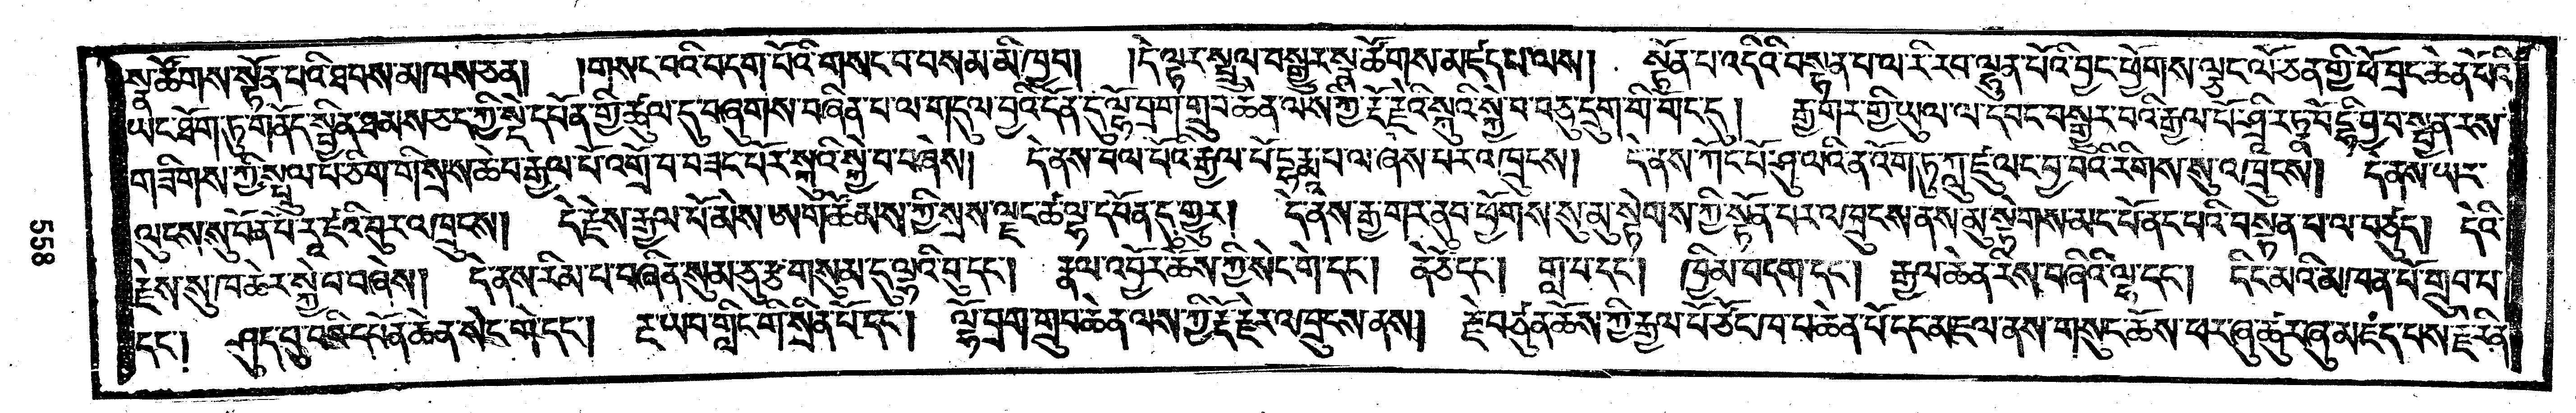སྣ་ཚོགས་སྟོན་པའི་ཐབས་མཁས་ཅན། །གསང་བའི་བདག་པོའི་གསང་བ་བསམ་མི་ཁྱབ། །དེ་ལྟར་སྤྲུལ་བསྒྱུར་སྣ་ཚོགས་མཛད་པ་ལས། སྟོན་པ་འདིའི་བསྟན་པ་ལ་རི་རབ་ལྷུན་པོའི་བྱང་ཕྱོགས་ལྕང་ལོ་ཅན་གྱི་ཕོ་བྲང་ཆེན་པོའི་
ཡང་ཐོག་ཏུ་གནོད་སྦྱིན་ཐམས་ཅད་ཀྱི་སྡེ་དབོན་གྱི་ཚུལ་དུ་བཞུགས་བཞིན་པ་ལ་གདུལ་བྱའི་དོན་དུ་ལྷོ་བྲག་གྲུབ་ཆེན་ལས་ཀྱི་རྡོ་རྗེའི་སྐུ་སྐྱེ་བ་བཅུ་དྲུག་གི་གོང་དུ། རྒྱ་གར་གྱི་ཡུལ་ལ་དབང་བསྒྱུར་པའི་རྒྱལ་པོ་ཤྲཱི་རཏྣ་བོ་དྷི་བྱ་བ་སྦྱན་རས་
གཟིགས་ཀྱི་སྤྲུལ་པ་ཅིག་གིས་རས་ཆེ་བ་རྒྱས་པོ་འགྲོ་པ་བཟང་པོར་སྐུའི་སྐྱེ་བ་བཞེས། དེ་ནས་བལ་པོའི་རྒྱལ་པོ་དྷརྨ་པ་ལ་ཞེས་པར་འཁྲུངས། །དེ་ནས་ཀོང་པོ་ཤུ་ལའི་ན་འོག་ཏུ་ཀླུ་ཛུ་ལང་བྱ་བའི་རིགས་སུ་འཁྲུངས། དེ་ནས་ཡར་
ལུངས་སུ་བོན་པོ་རཱ་ཛའི་བུར་འཁྲུངས། དེ་རྗེས་རྒྱལ་པོ་མེས་ཨག་ཚོམས་ཀྱི་སྲས་ལྗང་ཚ་ལྷ་དབོན་དུ་གྱུར། དེ་ནས་རྒྱ་གར་ནུབ་ཕྱོགས་སུ་མུ་སྟེགས་ཀྱི་སྟོན་པར་འཁྲུངས་ནས་མུ་སྟེགས་མང་པོ་ནང་པའི་བསྟན་པ་ལ་བཙུད། དེའི་
རྗེས་སུ་ཁ་ཆེར་སྐྱེ་བ་བཞེས། །དེ་ནས་རིམ་པ་བཞིན་སུམ་ཅུ་རྩ་གསུམ་དུ་ལྷའི་བུ་དང་། རྣལ་འབྱོར་ཆོས་ཀྱི་སེང་གེ་དང་། ནེ་ཅོ་དང་། གླ་པ་དང་། ཁྱིམ་བདག་དང་། རྒྱལ་ཆེན་རིས་བཞིའི་ལྷ་དང་། དིང་མའི་མཁན་པོ་གྲུབ་པ་
དང་། ཤུད་བུ་བའི་དཔོན་ཆེན་སེང་གེ་དང་། རྔ་ཡབ་གླིང་གི་སྲིན་པོ་དང་། ལྷོ་བྲག་གྲུབ་ཆེན་ལས་ཀྱི་རྡོར་རྗེ་འཁྲུངས་ནས། རྗེ་བཙུན་ཆོས་ཀྱི་རྒྱལ་པོ་ཙོང་ཁ་པ་ཆེན་པོ་དང་མཇལ་ནས་གསུང་ཆོས་ཕར་ཞུ་ཚུར་ཞུ་མཛད་པས་རྗེ་རིན་